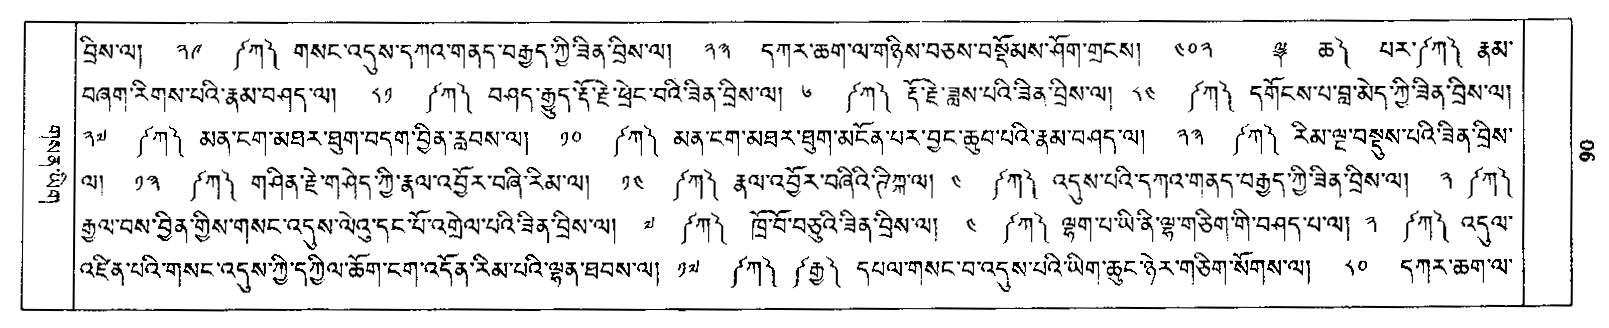བྲིས་ལ། ༢༩་?ཀ༼་གསང་འདུས་དཀའ་གནད་བརྒྱད་ཀྱི་ཟིན་བྲིས་ལ། ༢༣་དཀར་ཆག་ལ་གཉིས་བཅས་བསྡོམས་ཤོག་གྲངས། ༤༠༢་༈ ཆ༽ པར་?ཀ་རྣམ་
བཞག་རིགས་པའི་རྣམ་བཤད་ལ། ༨༡་?ཀ༼་བཤད་རྒྱུད་རྡོ་རྗེ་ཕྲེང་བའི་ཟིན་བྲིས་ལ། ༦་?ཀ༽ རྡོ་རྗེ་ཟླས་པའི་ཟིན་བྲིས་ལ། ༨༤་?ཀ་དགོངས་པ་བླ་མེད་ཀྱི་ཟིན་བྲིས་ལ།
༢༧་?ཀ༼་མན་ངག་མཐར་ཐུག་བདག་བྱིན་རླབས་ལ། ༡༠་?ཀ༽ མན་ངག་མཐར་ཐུག་མངོན་པར་བྱང་ཆུབ་པའི་རྣམ་བཤད་ལ། ༢༣་?ཀ་རིམ་ལྔ་བསྡུས་པའི་ཟིན་བྲིས་
ལ། ༡༣་?ཀ༼་གཤིན་རྗེ་གཤེད་ཀྱི་རྣལ་འབྱོར་བཞི་རིམ་ལ། ༡༤་?ཀ༽ རྣལ་འབྱོར་བཞིའི་ཊིཀྐ་ལ། ༤་?ཀ༼་འདུས་པའི་དཀའ་གནད་བརྒྱད་ཀྱི་ཟིན་བྲིས་ལ། ༢་?ཀ༽
རྒྱལ་བས་བྱིན་གྱིས་གསང་འདུས་ལེའུ་དང་པོ་འགྲེལ་པའི་ཟིན་བྲིས་ལ། ༧་?ཀ༼་ཁྲོ་བོ་བཅུའི་ཟིན་བྲིས་ལ། ༤་?ཀ༽ ལྷག་པ་ཡི་ནི་ལྷ་གཅིག་གི་བཤད་པ་ལ། ༢་?ཀ་འདུལ་
འཛིན་པའི་གསང་འདུས་ཀྱི་དཀྱིལ་ཆོག་ངག་འདོན་རིམ་པའི་ལྷན་ཐབས་ལ། ༡༧་?ཀ༼་?རྒྱ༽ དཔལ་གསང་བ་འདུས་པའི་ཡིག་ཆུང་ཉེར་གཅིག་སོགས་ལ། ༨༠་དཀར་ཆག་ལ་